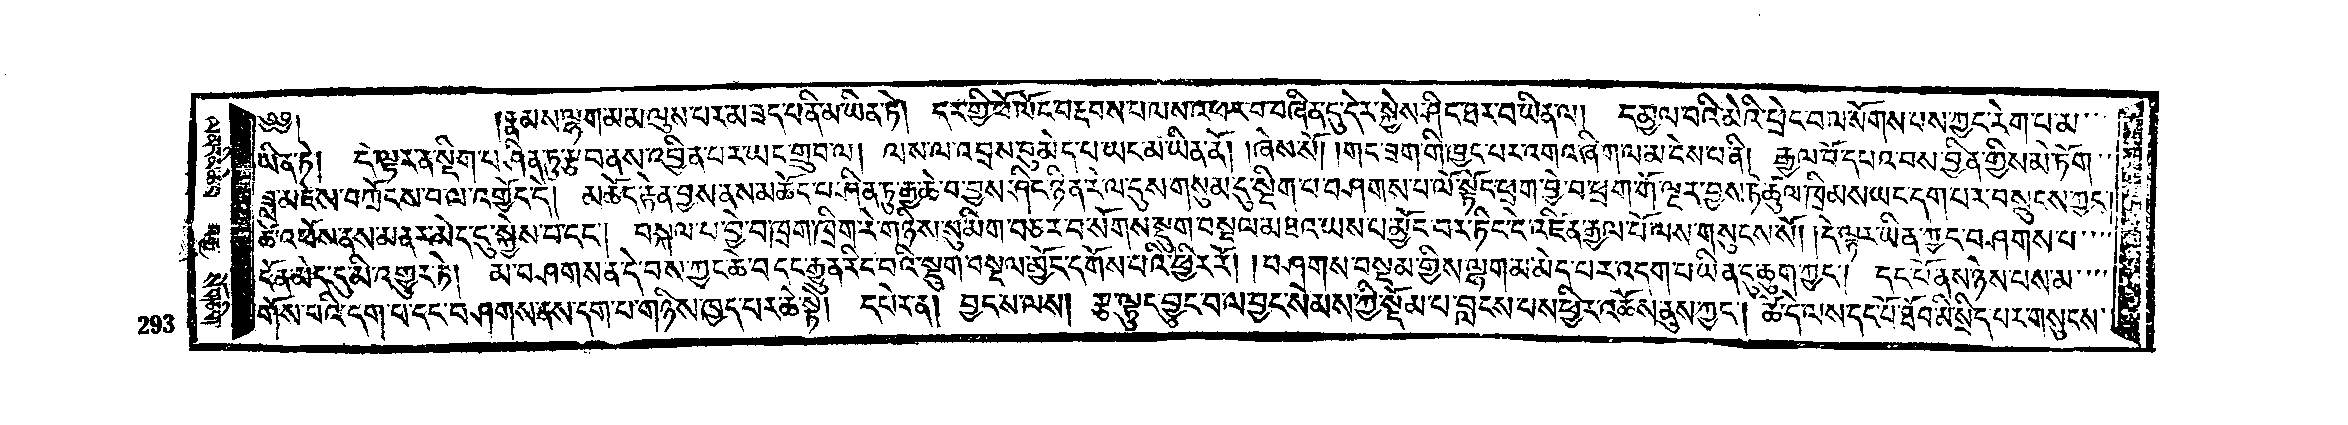༄༅། །རྣམས་ལྷག་མ་མ་ལུས་པར་མ་ཟད་པ་ནི་མ་ཡིན་ཏེ། དར་གྱི་ཕོ་ལོང་བརྡབས་པ་ལས་འཕར་བ་བཞིན་དུ་དེར་སྐྱེས་ཤིང་ཐར་བ་ཡིན་ལ། དམྱལ་བའི་མེའི་ཕྲེང་བ་ལ་སོགས་པས་ཀྱང་རེག་པ་མ་
ཡིན་ཏེ། དེ་ལྟར་ན་སྡིག་པ་ཤིན་ཏུ་རྩ་བ་ནས་འབྱིན་པར་ཡང་གྲུབ་ལ། ལས་ལ་འབྲས་བུ་མེད་པ་ཡང་མ་ཡིན་ནོ། །ཞེས་སོ། །གང་ཟག་གི་ཁྱད་པར་འགའ་ཞིག་ལ་མ་ངེས་པ་ནི། རྒྱལ་པོ་དཔའ་བས་བྱིན་གྱིས་མེ་ཏོག་
ཟླ་མཛེས་བཀྲོངས་པ་ལ་འགྱོད་དེ། མཆོད་རྟེན་བྱས་ནས་མཆོད་པ་ཤིན་ཏུ་རྒྱ་ཆེ་བ་བྱས་ཤིང་ཉིན་རེ་ལ་དུས་གསུམ་དུ་སྡིག་པ་བཤགས་པ་ལོ་སྟོང་ཕྲག་བྱེ་བ་ཕྲག་གོ་ལྔར་བྱས་ཏེ་ཚུལ་ཁྲིམས་ཡང་དག་པར་བསྲུངས་ཀྱང་།
ཚེ་འཕོས་ནས་མནར་མེད་དུ་སྐྱེས་པ་དང་། བསྐལ་པ་བྱེ་བ་ཁྲག་ཁྲིག་རེ་གཉིས་སུ་མིག་བཅར་བ་སོགས་སྡུག་བསྔལ་མཐའ་ཡས་པ་མྱོང་བར་ཏིང་ངེ་འཛིན་རྒྱལ་པོ་ལས་གསུངས་སོ། །དེ་ལྟར་ཡིན་ཀྱང་བཤགས་པ་
དོན་མེད་དུ་མི་འགྱུར་ཏེ། མ་བཤགས་ན་དེ་བས་ཀྱང་ཆེ་བ་དང་རྒྱུན་རིང་བའི་སྡུག་བསྔལ་མྱོང་དགོས་པའི་ཕྱིར་རོ། །བཤགས་བསྡམ་གྱིས་ལྷག་མ་མེད་པར་འདག་པ་ཡིན་དུ་ཆུག་ཀྱང་། དང་པོ་ནས་ཉེས་པས་མ་
གོས་པའི་དག་པ་དང་བཤགས་ནས་དག་པ་གཉིས་ཁྱད་པར་ཆེ་སྟེ། དཔེར་ན། བྱང་ས་ལས། རྩ་ལྟུང་བྱུང་བ་ལ་བྱང་སེམས་ཀྱི་སྡོམ་པ་བླངས་པས་ཕྱིར་འཆོས་ནུས་ཀྱང་། ཚེ་དེ་ལས་དང་པོ་ཐོབ་མི་སྲིད་པར་གསུངས་